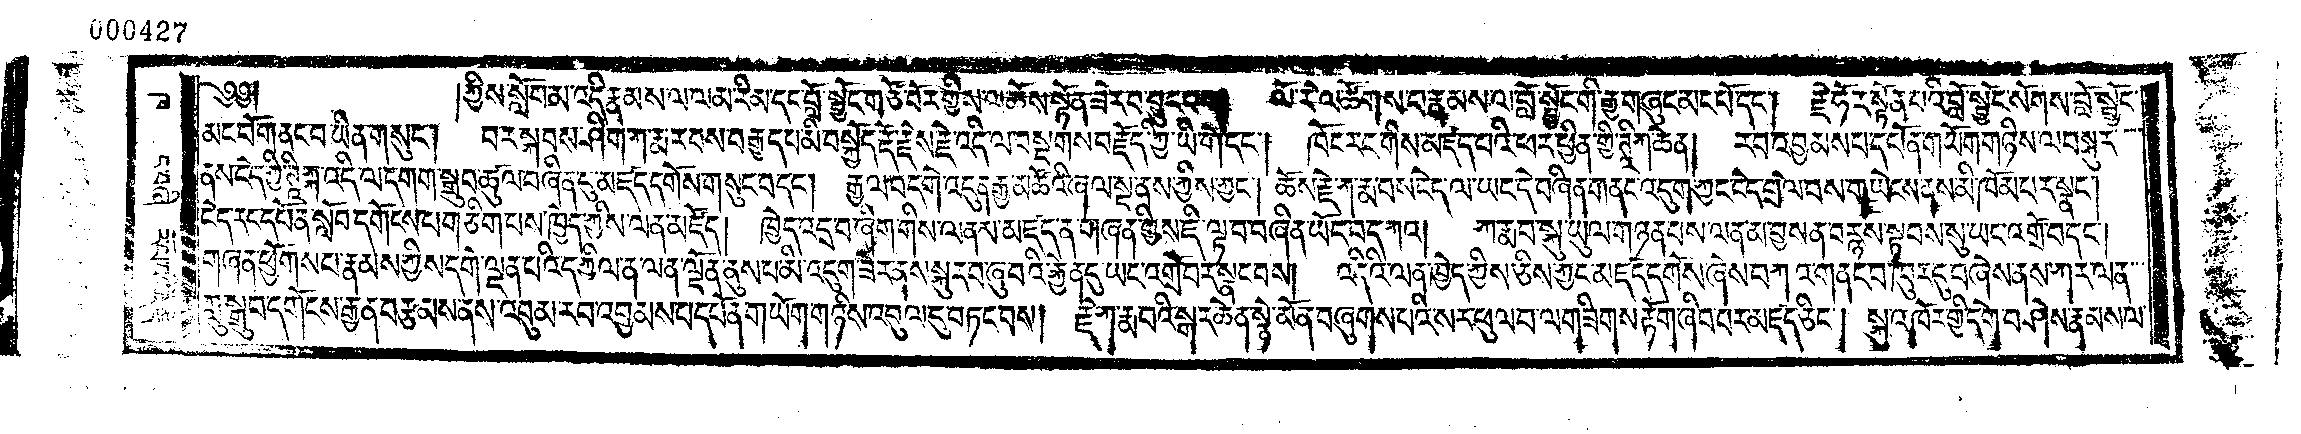༄༅། །ཀྱིས་སློབ་མ་འདི་རྣམས་ལ་ལམ་རིམ་དང་བློ་སྦྱོང་གཙོ་བོར་གྱིས་ལ་ཆོས་སྟོན་ཟེར་བ་བྱུང་བས། ལོ་རེ་ལ་ཚོགས་པ་རྣམས་ལ་བློ་སྦྱོང་གི་རྒྱ་གཞུང་མང་པོ་དང་། རྗེ་ཧོར་སྟོན་པའི་བློ་སྦྱོང་སོགས་བློ་སྦྱོང་
མང་པོ་གནང་བ་ཡིན་གསུང་། བར་སྐབས་ཤིག་ཀརྨ་རབས་བརྒྱད་པ་མི་བསྐྱོད་རྡོ་རྗེས་རྗེ་འདི་ལ་བསྔགས་བརྗོད་ཀྱི་ཡི་གེ་དང་། ཁོང་རང་གིས་མཛད་པའི་ཕར་ཕྱིན་གྱི་ཊཱིཀ་ཆེན། རབ་འབྱམས་པ་དཔོན་གཡོག་གཉིས་ལ་བསྐུར་
ནས་ངེད་ཀྱི་ཊཱིཀྐ་འདི་ལ་དགག་སྒྲུབ་ཚུལ་བཞིན་དུ་མཛད་དགོས་གསུང་བ་དང་། རྒྱལ་བ་དགེ་འདུན་རྒྱ་མཚོའི་ཞལ་སྔ་ནས་ཀྱིས་ཀྱང་། ཆོས་རྗེ་ཀརྨ་པས་དེད་ལ་ཡང་དེ་བཞིན་གནང་འདུག་ཀྱང་ངེད་བྲེལ་བས་གཡེངས་ནས་མི་ཁོམ་པར་སྣང་།
ངེད་རང་དཔོན་སློབ་དགོངས་པ་གཅིག་པས་ཁྱེད་ཀྱིས་ལན་མཛོད། ཁྱེད་འདྲ་བ་ཞིག་གིས་ལན་མ་མཛད་ན་གཞན་གྱིས་ཇི་ལྟ་བ་བཞིན་ཡོང་བ་དཀའ། ཀརྨ་པ་སྐུ་ཡུལ་གཉན་པས་ལན་མ་བྱས་ན་བརྙས་སྟབས་སུ་ཡང་འགྲོ་བ་དང་།
གཞན་ཕྱོགས་པ་རྣམས་ཀྱིས་དགེ་ལྡན་པའི་དཀྱིལ་ན་ལན་ལྡོན་ནུས་པ་མི་འདུག་ཟེར་ནས་སྐུར་བ་ཞུ་བའི་རྐྱེན་དུ་ཡང་འགྲོ་བར་སྣང་བས། འདིའི་ལན་ཁྱེད་ཀྱིས་ཅིས་ཀྱང་མཛད་དགོས་ཞེས་བཀའ་གནང་བ་ཁུར་དུ་བཞེས་ནས་ཀར་ལན་
ཀླུ་སྒྲུབ་དགོངས་རྒྱན་བརྩམས་ནས་འབུམ་རབ་འབྱམས་པ་དཔོན་གཡོག་གཉིས་འབུལ་དུ་བཏང་བས། རྗེ་ཀརྨ་པའི་སྒར་ཆེན་སྙེ་མོན་བཞུགས་པའི་སར་ཕུལ་བ་ལ་གཟིགས་རྟོག་ཞིབ་པར་མཛད་ཅིང་། སྐུ་འཁོར་གྱི་དགེ་བཤེས་རྣམས་ལ་